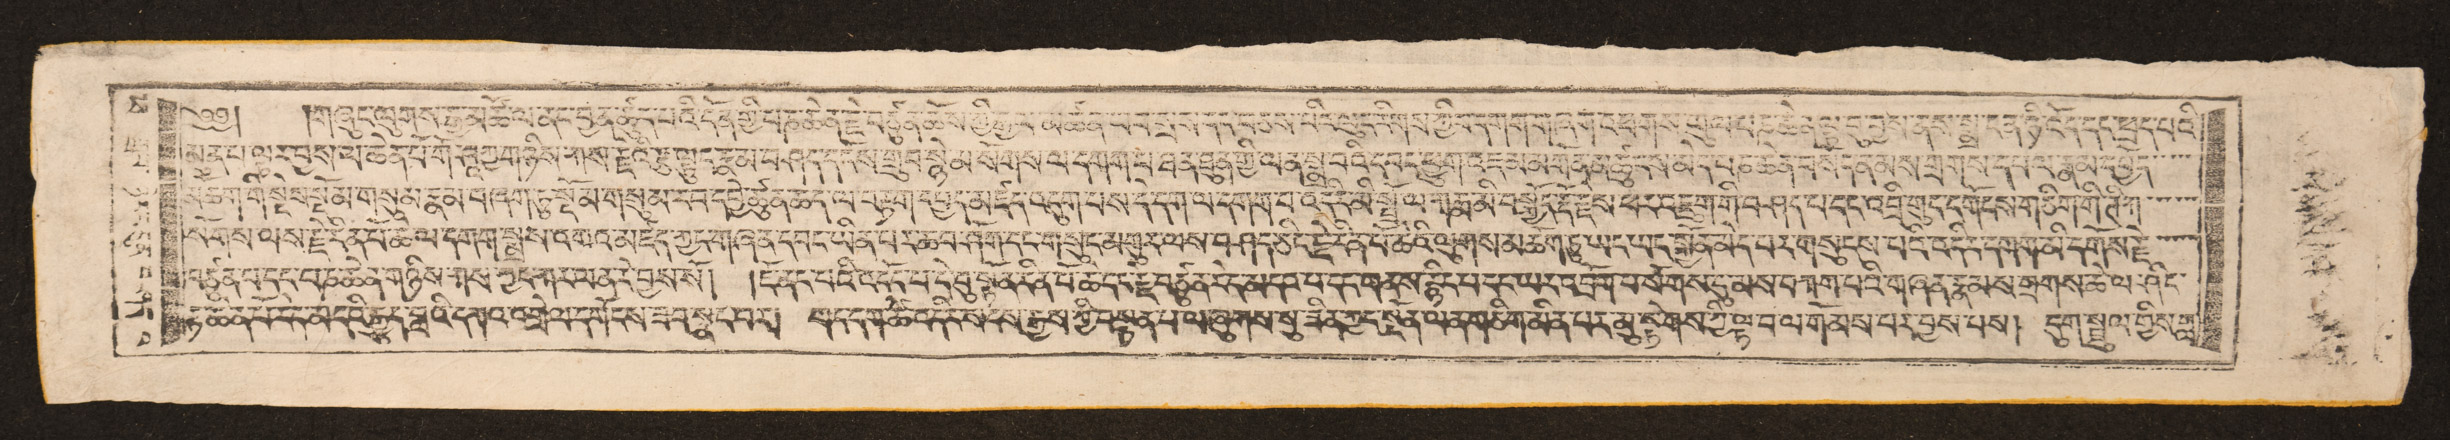༄༅། །གཞུང་ལུགས་རྒྱ་མཚོ་ལ་ནང་བྱན་ཚུད་པའི་དོན་གྱི་པཎ་ཆེན་རྗེ་བཙུན་ཆོས་ཀྱི་རྒྱལ་མཚན་ཡབ་སྲས་དང་བཅས་པའི་ལུང་རིགས་ཀྱིས་དགག་གཞག་འཕགས་ཡུལ་པཎ་ཆེན་ལྟ་བུ་བྱས་ནས་སྨྲ་ངན་ཏི་འོད་དང་ཕྲད་པའི་
མུན་པ་ལྟར་བྱས་ལ་ཆེན་པོ་གོ་ཤཱཀྱ་གཉིས་ཀས་རྗེའི་རྩ་ལྟུང་རྣམ་བཤད་དངོས་གྲུབ་སྙེ་མ་སོགས་ལ་དགག་པ་ཐན་ཐུན་གྱི་ལན་སྨྲ་བའི་དབང་ཕྱུག་འཇམ་མགོན་མཚུངས་མེད་པཎ་ཆེན་བསོད་ནམས་གྲགས་དཔལ་རྣམ་དཔྱོད་
མཆོག་གི་སྡེས་སྡོམ་གསུམ་རྣམ་བཞག་ཏུ་སྡོམ་གསུམ་རབ་དབྱེ་ཚུན་ཆད་ལ་བརྟག་དཔྱད་མཛད་འདུག་པས་དེ་དག་ལ་དགག་པ་འདིར་མི་སྤྲོ་ལ་ཀརྨ་མི་བསྐྱོད་རྡོ་རྗེས་ཕར་འཇུག་གི་བཤད་པ་དང་འབྲི་གུང་དགོངས་གཅིག་གི་ཊིཀ་
སོགས་ལས་རྗེ་རིན་པོ་ཆེ་ལ་དྶག་?་སྨྲས་འྶའ་མཛད་ཀྱང་གཞན་དཔང་ཡིན་པར་ཆབ་ཤོག་དང་གསུང་མགུར་ལས་བཤད་ཅིང་རྗེ་རིན་པོ་ཆེའི་ལུགས་མཆོག་ཏུ་ཡང་ཡང་སྐྱོན་མེད་པར་གསུངས་པའི་འདིར་དགག་མི་དགོས་རྗེ་
བཙུན་པ་དང་པཎ་ཆེན་གཉིས་ཀས་ཀྱང་ཀར་ལན་རེ་བྱས་སོ། །ཇོ་ནང་པའི་འདོད་བ་དེ་བུ་སྟོན་རིན་པོ་ཆེ་དང་རྗེ་བཙུན་རེད་མདའ་པ་དང་གནས་རྙིང་པ་དང་ཡར་འབྲོག་པ་སོགས་དུ་མས་བཀག་པའི་གཞན་རྣམས་གྲགས་ཆེ་ལ་ཤིང་
རྟ་ཆེན་པོ་རེད་མདའི་རྒྱུད་བླའི་དཀའ་འགྲེལ་དགོངས་ཟབ་སྣང་བར། གང་དག་ཚེ་འདིར་སངས་རྒྱས་ཀྱི་བསྟན་པ་ལ་ཞུགས་སུ་ཟིན་ཀྱང་སྔོན་ལན་གཅིག་མིན་པར་མུ་སྟེགས་ཀྱི་ལྟ་བ་ལ་གོམས་པར་བྱས་པས། དུག་སྦྲུལ་གྱིས་གླ་